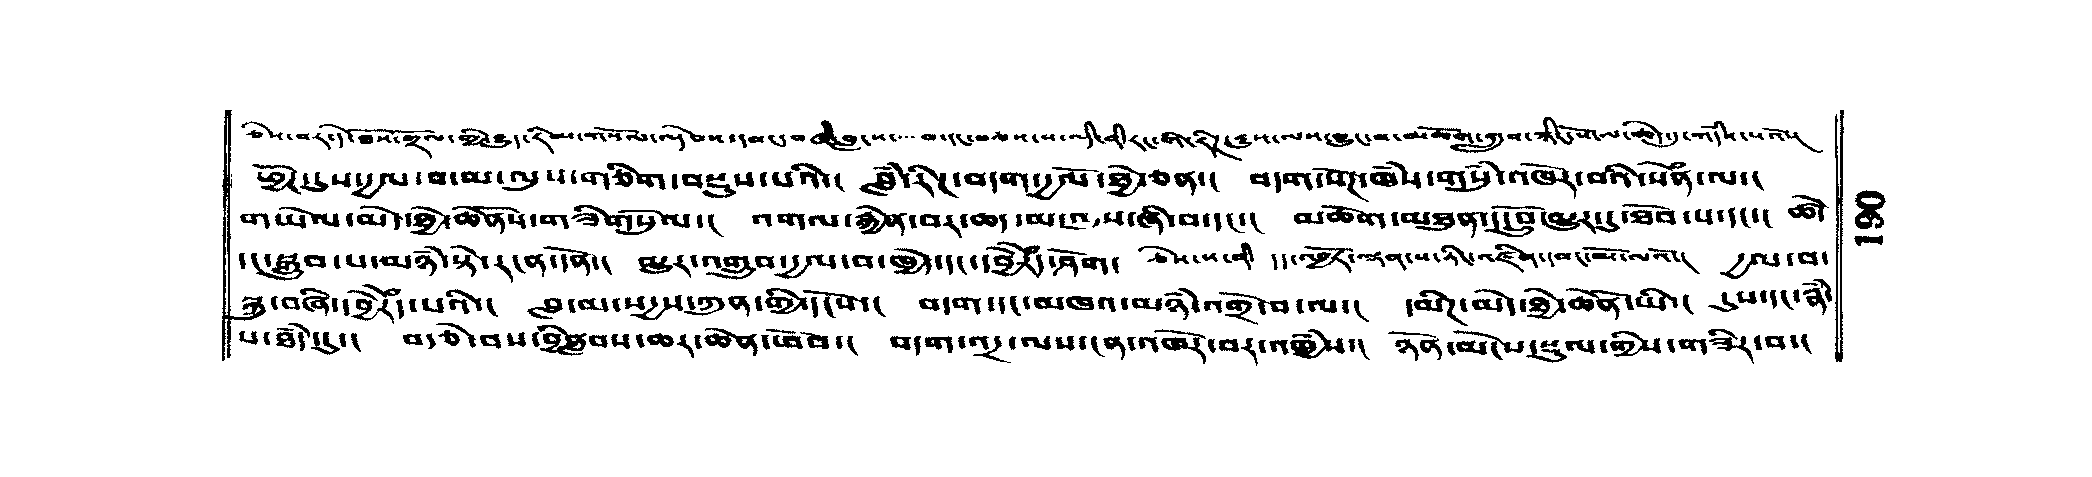ཅེས་བར་དོ་ཐོས་གྲོལ་གྱི་རྒྱུད་རིམ་གསོལ་འདེབས་དབང་བཞི་བླངས་བ་དང་བཅས་པ་འདི་ནི་རང་གི་རིགས་རྒྱུད་ལས་བྱུང་བ་མཆོག་གྲུབ་སྙིང་པོ་ལ་ཆེད་དུ་གདམས་པའོ། 
ཕྱོགས་དུས་རྒྱལ་བ་མ་ལུས་གཅིག་བསྡུས་པའི། །བླ་མ་རིགས་བདག་རྒྱལ་པོ་ཐུགས་རྗེ་ཅན། །བདག་སོགས་ཁམས་གསུམ་འཁོར་བའི་སེམས་ཅན་ལ། །
གཡེལ་མེད་ཐུགས་རྗེ་ཆེན་པོས་གཟིགས་སུ་གསོལ། །འགལ་རྐྱེན་བར་ཆད་མ་ལུས་ཞི་བ་དང་། །མཆོག་ཐུན་དངོས་གྲུབ་མྱུར་དུ་ཐོབ་པ་དང་། །ཚེ་
དང་སྒྲུབ་པ་མཉམ་སྟེ་རང་གཞན་དོན། །མྱུར་འགྲུབ་རྒྱལ་བ་ཁྱེད་དང་དབྱེར་མེད་ཤོག ཅེས་པ་ནི་དད་འབྱོར་ལྡན་པ་ཏིང་འཛིན་དབང་མོ་ལའོ།། རྒྱལ་བ་
སྐུ་བཞི་དབྱེར་མེད་པའི། །བླ་མ་སངས་རྒྱས་ཀུན་གྱི་དངོས། །བདག་དང་མཁའ་མཉམ་འགྲོ་བ་ལ། །དམིགས་མེད་ཐུགས་རྗེ་ཆེན་པོ་ཡི། །དུས་དང་རྣམ་
པ་ཐམས་ཅད་དུ། །བརྩེ་བས་བྱིན་རླབས་ཆར་ཆེན་ཕོབ། །བདག་འདྲ་ལས་ངན་འཁོར་བར་འཁྱམས། །ཉོན་མོངས་སྡུག་བསྔལ་གྱིས་གཟིར་བ།